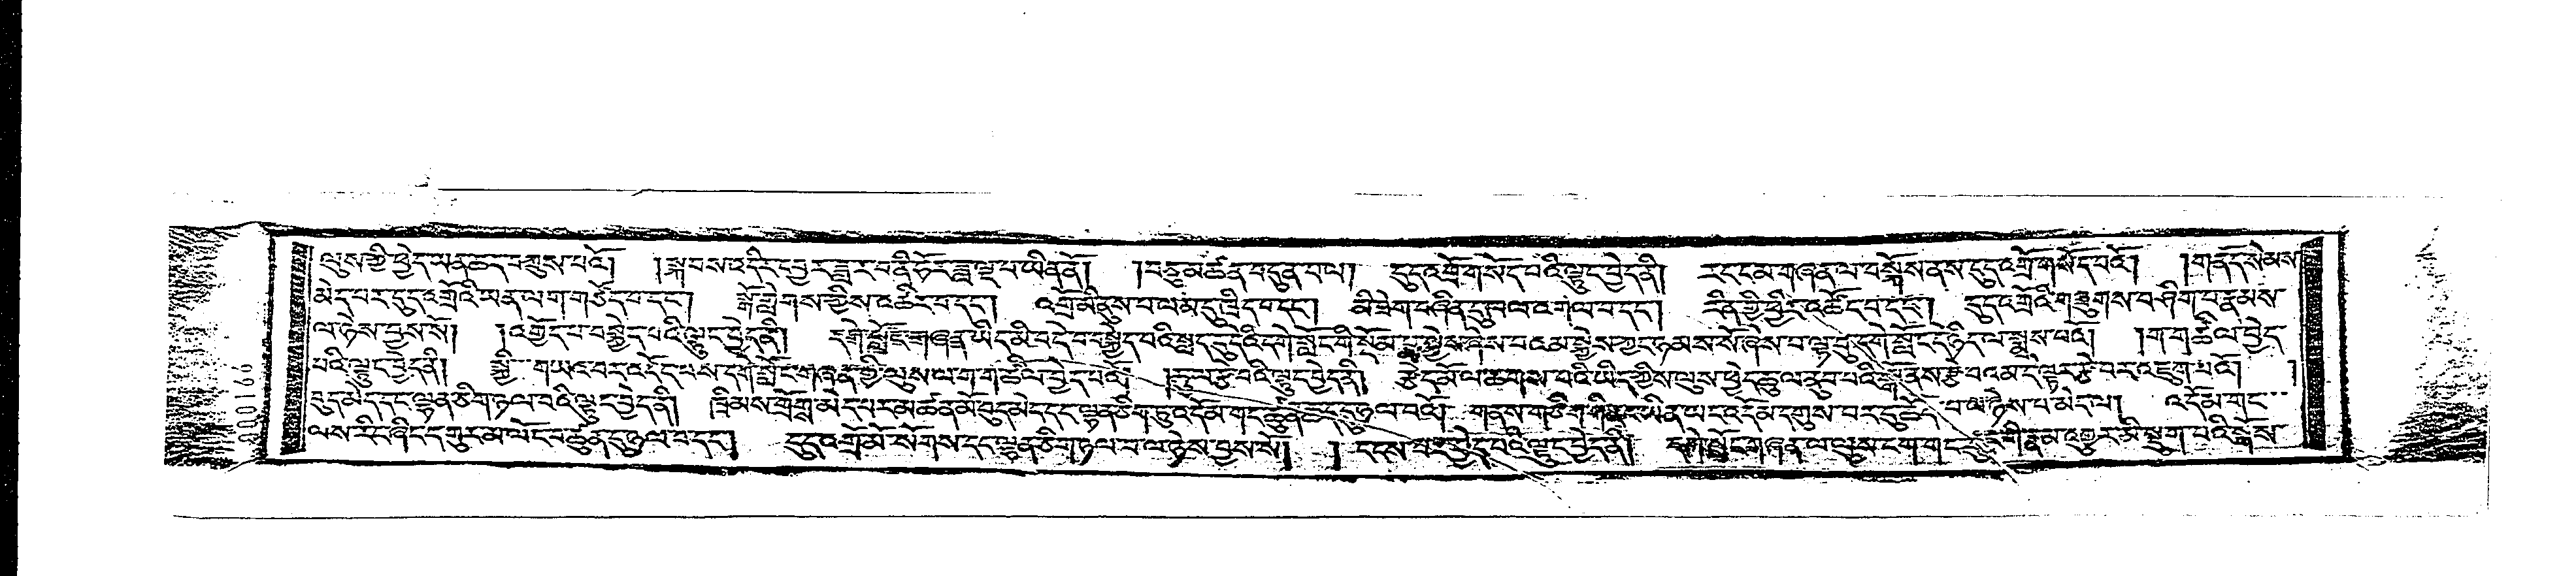ལུས་ཀྱི་ཕྱེད་ཡན་ཆད་བཀྲུས་པའོ། །སྐབས་འདིར་དབྱར་ཟླ་ར་བ་ནི་ཧོར་ཟླ་ལྔ་པ་ཡིན་ནོ། །བཅུ་མཚན་བདུན་པ་ལ། དུད་འགྲོ་གསོད་པའི་ལྟུང་བྱེད་ནི། རང་ངམ་གཞན་ལ་བསྐོས་ནས་དུད་འགྲོ་གསོད་པའོ། །གནོད་སེམས་
མེད་པར་དུད་འགྲོའི་ཡན་ལག་གཙོད་པ་དང་། སྒོ་གླེགས་ཀྱིས་འཚིར་བ་དང་། འགྲོ་མི་ནུས་པ་ལམ་དུ་ཁྲིད་པ་དང་། མི་ཐེག་བཞིན་དུ་ཁལ་འགལ་བ་དང་། རིན་གྱི་ཕྱིར་འཚོང་བ་དང་། དུད་འགྲོའི་གཟུགས་བཤིག་པ་རྣམས་
ལ་ཉེས་བྱས་སོ། །འགྱོད་པ་བསྐྱེད་པའི་ལྟུང་བྱེད་ནི། དགེ་སློང་གཞན་ཡིད་མི་བདེ་བ་བསྐྱེད་པའི་སླད་དུ་དེའི་དགེ་སློང་གི་སྡོམ་པ་མ་སྐྱེས་ཞེས་པའམ་སྐྱེས་ཀྱང་ཉམས་སོ་ཞེས་པ་ལྟ་བུ་དགེ་སློང་དེ་ཉིད་ལ་སྨྲས་པའོ། །ག་ག་ཚིལ་བྱེད་
པའི་ལྟུང་བྱེད་ནི། སྐྱི་གཡའ་བར་འདོད་པས་དགེ་སློང་གཞན་གྱི་ལུས་ལ་ག་ག་ཚིལ་བྱེད་པའོ། །ཆུ་ལ་རྩེ་བའི་ལྟུང་བྱེད་ནི། རྩེད་མོ་ལ་ཆགས་པའི་ཡིད་ཀྱིས་ལུས་ཕྱེད་ཆུ་ལ་ནུབ་པའི་སྒོ་ནས་རྩེ་བའམ་དེ་ལྟར་རྩེ་བར་འཇུག་པའོ། །
བུད་མེད་དང་ལྷན་ཅིག་ཉལ་བའི་ལྟུང་བྱེད་ནི། ཁྲིམས་གྲོགས་མེད་པར་མཚན་མོ་བུད་མེད་དང་ལྷན་ཅིག་ཏུ་འདོམ་གང་ཚུན་ཆད་དུ་ཉལ་བའོ། གནས་གཅིག་གི་ནང་ཡིན་ཡང་འདོམ་དགུས་བར་དུ་ཆོད་པ་ལ་ཉེས་པ་མེད་ལ། འདོམ་གང་
ལས་རིང་ཞིང་དགུར་མ་ལོང་བ་ཚུན་དུ་ཉལ་བ་དང་། དུད་འགྲོ་མོ་སོགས་དང་ལྷན་ཅིག་ཉལ་བ་ལ་ཉེས་བྱས་སོ། །དངས་པར་བྱེད་པའི་ལྟུང་བྱེད་ནི། དགེ་སློང་གཞན་ལ་ལུས་ངག་གང་རུང་གི་རྣམ་འགྱུར་མི་སྡུག་པའི་སྒོས་